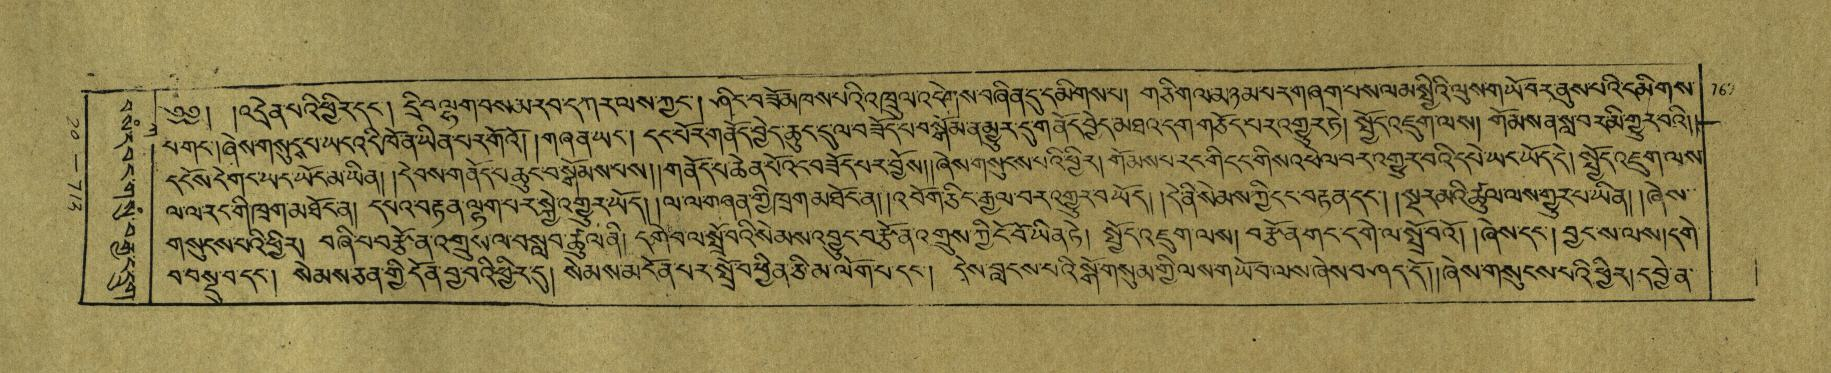༄༅། །འདྲེན་པའི་ཕྱིར་དང་། དྲི་བ་ལྷག་བསམ་རབ་དཀར་ལས་ཀྱང་། ཤིང་བཟོ་མཁས་པའི་འཁྲུལ་འདེགས་བཞིན་དུ་དམིགས་པ། གཅིག་ལ་མཉམ་པར་གཞག་པས་ལམ་སྤྱིའི་ལུས་གཡོ་བར་ནུས་པའི་དམིགས་
པ་གང་། ཞེས་གསུངས་པ་ཡང་འདི་ཁོ་ན་ཡིན་པར་གོའོ། །གཞན་ཡང་། དང་པོར་གནོད་བྱེད་ཆུང་དུ་ལ་བཟོད་པ་བསྒོམ་ན་མྱུར་དུ་གནོད་བྱེད་མཐའ་དག་གཅོད་པར་འགྱུར་ཏེ། སྤྱོད་འཇུག་ལས། གོམས་ན་སླ་བར་མི་གྱུར་བའི།།
དངོས་དེ་གང་ཡང་ཡོང་མ་ཡིན། །དེ་བས་གནོད་པ་ཆུང་བ་སྒོམས་པས། །གནོད་པ་ཆེན་པོའང་བཟོད་པར་བྱོས། །ཞེས་གསུངས་པའི་ཕྱིར། །གོམས་པ་རང་གི་ངག་གིས་འཕེལ་བར་འགྱུར་བའི་དཔེ་ཡང་ཡོད་དེ། སྤྱོད་འཇུག་ལས་
ལ་ལ་རང་གི་ཁྲག་མཐོང་ན། དཔའ་བརྟན་ལྷག་པར་སྐྱེ་འགྱུར་ཡོད། །ལ་ལ་གཞན་གྱི་ཁྲག་མཐོང་ན། །འབོག་ཅིང་རྒྱལ་བར་འགྱུར་བ་ཡོད། །དེ་ནི་སེམས་ཀྱི་དང་བརྟན་དང་། །སྔར་མའི་ཚུལ་ལས་གྱུར་པ་ཡིན། །ཞེས་
གསུངས་པའི་ཕྱིར། བཞི་པ་བརྩོན་འགྲུས་ལ་བསླབ་ཚུལ་ནི། དགེ་བ་ལ་སྤྲོ་བའི་སེམས་འབྱུང་བ་རྩོན་འགྲུས་ཀྱི་ངོ་བོ་ཡིན་ཏེ། སྤྱོད་འཇུག་ལས། བརྩོན་གང་དགེ་ལ་སྤྲོ་བའོ། །ཞེས་དང་། བྱང་ས་ལས་།དགེ་
བ་བསྡུ་བ་དང་། སེམས་ཅན་གྱི་དོན་བྱ་བའི་ཕྱིར་དུ། སེམས་མངོན་པར་སྤྲོ་བ་ཕྱིན་ཅི་མ་ལོག་པ་དང་། དེས་བླངས་པའི་སྒོ་གསུམ་གྱི་ལས་གཡོ་བ་ལས་ཞེས་བཤད་དོ། །ཞེས་གསུངས་པའི་ཕྱིར། དབྱེ་ན་